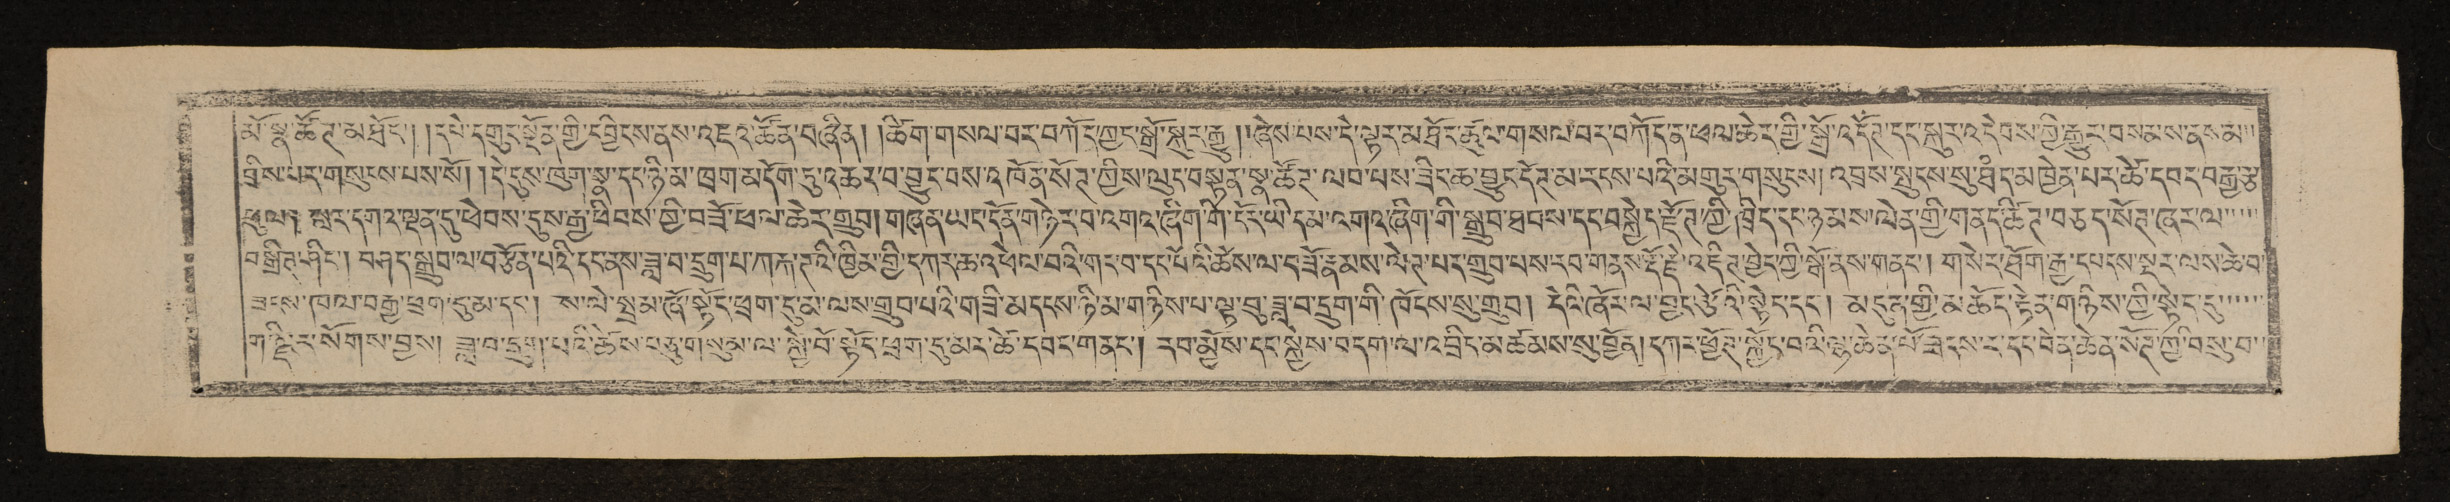དབྱིངས་ནས་འཇའ་ཚོན་བཞིན། །ཚིག་གསལ་བར་བཀོད་ཀྱང་སྒྲོ་སྐུར་རྒྱུ། །ཞེས་པས་དེ་ལྟར་མཐོང་ཚུལ་གསལ་བར་བཀོད་ན་ཕལ་ཆེར་གྱི་སྒྲོ་འདོགས་དང་སྐུར་འདེབས་ཀྱི་རྒྱུར་བསམས་ནས་མ་བྲིས་པར་གསུངས་པས་སོ། །དེ་
དུས་ཁུག་སྣ་དང་ཉི་མ་ཁྲག་མདོག་ཏུ་འཆར་བ་བྱུང་བས་འཁོན་སོགས་ཀྱིས་ལུང་བསྟན་སྣ་ཚོགས་ལབ་པས་ཟིང་ཆ་བྱུང་དོགས་མ་རངས་པའི་མགུར་གསུངས། འབྲས་སྤུངས་སུ་ཐམས་ཅད་མཁྱེན་བར་ཚེ་དབང་བརྒྱ་རྩ་ཕུལ། སླར་དགའ་
ལྡན་དུ་ཕེབས་དུས་རྒྱ་ཕིབས་ཀྱི་བཟོ་ཕལ་ཆེར་གྲུབ། གཞན་ཡང་དོན་གཉེར་བ་འགའ་ཞིག་གི་ངོར་ཡི་དམ་འགའ་ཞིག་གི་སྒྲུབ་ཐབས་དང་བསྐྱེད་རྫོགས་ཀྱི་ཁྲིད་དང་ཉམས་ལེན་གྱི་གནད་ཚིགས་བཅད་སོགས་ཞར་ལ་བསྒྲིགས་
ཤིང་། བཤད་སྒྲུབ་ལ་བརྩོན་པའི་ངང་ནས་ཟླ་བ་དྲུག་པ་ཀརྐ་ཊའི་ཁྱིམ་གྱི་དཀར་ཆ་འཕེལ་བའི་གང་བ་དང་པོའི་ཆོས་ལ་བཟོ་རྣམས་ལེགས་པར་གྲུབ་པས་རབ་གནས་རྡོ་རྗེ་འཇིགས་བྱེད་གྱི་སྒོ་ནས་གནང་། གསེར་ཐོག་རྒྱ་
དཔངས་སྔར་ལས་ཆེ་བཟངས་ཁལ་བརྒྱ་ཕྲག་དུ་མ་དང་། ས་ལེ་སྦྲམ་ཞོ་སྟོང་ཕྲག་དུ་མ་ལས་གྲུབ་པའི་གཟི་མདངས་ཉི་མ་གཉིས་པ་ལྟ་བུ་ཟླ་བ་དྲུག་གི་ཁོངས་སུ་གྲུབ། དེའི་ཞོར་ལ་བྱང་རྩེའི་སྟེང་དང་། མདུན་གྱི་མཆོད་རྟེན་གཉིས་ཀྱི་སྟེང་
དུ་གཉྫི་ར་སོགས་བྱས། ཟླ་བ་དྲུག་པའི་ཚེས་བཅུ་གསུམ་ལ་སྐྱེ་བོ་སྟོང་ཕྲག་དུ་མར་ཚེ་དབང་གནང་། རབ་མྱོས་དང་སྐྱེས་བདག་ལ་འབྲིང་མཚམས་སུ་བྱོན། དཀར་ཕྱོགས་སྐྱོང་བའི་ལྷ་ཆེན་པོ་ཟངས་ར་དང་བེན་ཆེན་སོགས་ཀྱི་བསུ་བ་